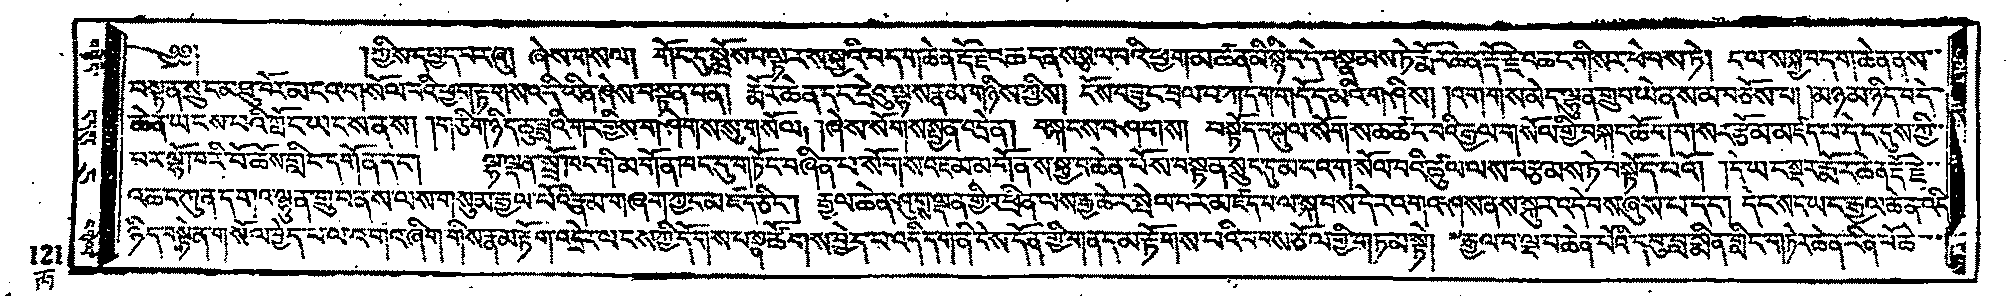༄༅། །ཀྱིས་དཔྱད་པར་ཞུ། ཞེས་གསལ། གོང་དུ་སྨྲོས་པ་ལྟར་ས་སྐྱའི་བདག་ཆེན་རྡོ་རྗེ་འཆང་ནས་སྩལ་བའི་ཕྱག་མཚན་མི་སྙིང་དེ་བསྣམས་ཏེ་རྨོར་ཆེན་རྡོ་རྗེ་འཆང་གི་སར་ཕེབས་ཏེ། ང་ལ་ས་སྐྱ་བདག་ཆེན་ནས་
བསྟན་སྲུང་མཐུ་བོར་མངའ་གསོལ་བའི་ཕྱག་རྟགས་འདི་ཡིན་ཞེས་བསྟན་པ་ན། རྨོར་ཆེན་དང་དྲེའུ་ལྷས་རྣམ་གཉིས་ཀྱིས། ངོས་བཟུང་བྲལ་བ་ཀ་དག་གདོད་མའི་གཤིས། །འགགས་མེད་ལྷུན་གྲུབ་ཡེ་ནས་མ་བཅོས་པ། །མཉམ་ཉིད་བདེ་
ཆེན་ཡངས་པའི་ཀློང་ཡངས་ནས། །གཅིག་ཉིད་ཆུ་ཟླའི་གར་གྱིས་གཤེགས་སུ་གསོལ། །ཞེས་སོགས་སྤྱན་འདྲེན། བསྐངས་བཤགས། བསྟོད་བསྐུལ་སོགས་ཆ་ཚང་བའི་རྒྱལ་གསོལ་གྱི་བསྐང་ཆོག་གསར་རྩོམ་མཛད་པ་དེང་དུས་ཀྱི་
བར་ལྷོ་ཁ་རི་བོ་ཆོས་གླིང་དགོན་དང་། ལྷ་ལྡན་སྤྲོ་ཁང་གི་མགོན་ཁང་དུ་གཏོང་བཞིན་པ་སོགས་འཇམ་མགོན་ས་སྐྱ་བ་ཆེན་པོས་བསྟན་སྲུང་དུ་མངའ་གསོལ་བའི་ཚུལ་ལས་བརྩམས་ཏེ་བསྟོད་པའོ། །དེ་ཡང་སྔར་རྨོར་ཆེན་རྡོ་རྗེ་
འཆང་ཀུན་དགའ་ལྷུན་གྲུབ་ནས་ལས་གསུམ་རྒྱལ་པོའི་རྣམ་གཞག་ཀྱང་མཛད་ཅིང་། རྒྱལ་ཆེན་ཤུགས་ལྡན་གྱི་འཕྲིན་ལས་རྒྱ་ཆེར་སྤེལ་བར་མཛད་པ་ལ་སྐབས་དེར་འགའ་ཤས་ནས་སྐུར་འདེབས་ཞུས་པ་དང་། དེང་སང་ཡང་རྒྱལ་ཆེན་འདི་
ཉིད་བསྟེན་གསོལ་བྱེད་པ་ལ་འགའ་ཞིག་གིས་རྣམ་རྟོག་འདྲེར་ལངས་ཀྱི་དོགས་པ་སྣ་ཚོགས་བྱེད་པ་འདི་དག་ནི་ངེས་དོན་གྱི་གནད་མ་རྟོགས་པའི་བབས་ཅོལ་གྱི་གཏམ་སྟེ། ༧རྒྱལ་བ་ལྔ་པ་ཆེན་པོའི་དབུ་བླ་སྨིན་གླིང་གཏེར་ཆེན་རིན་པོ་ཆེ་